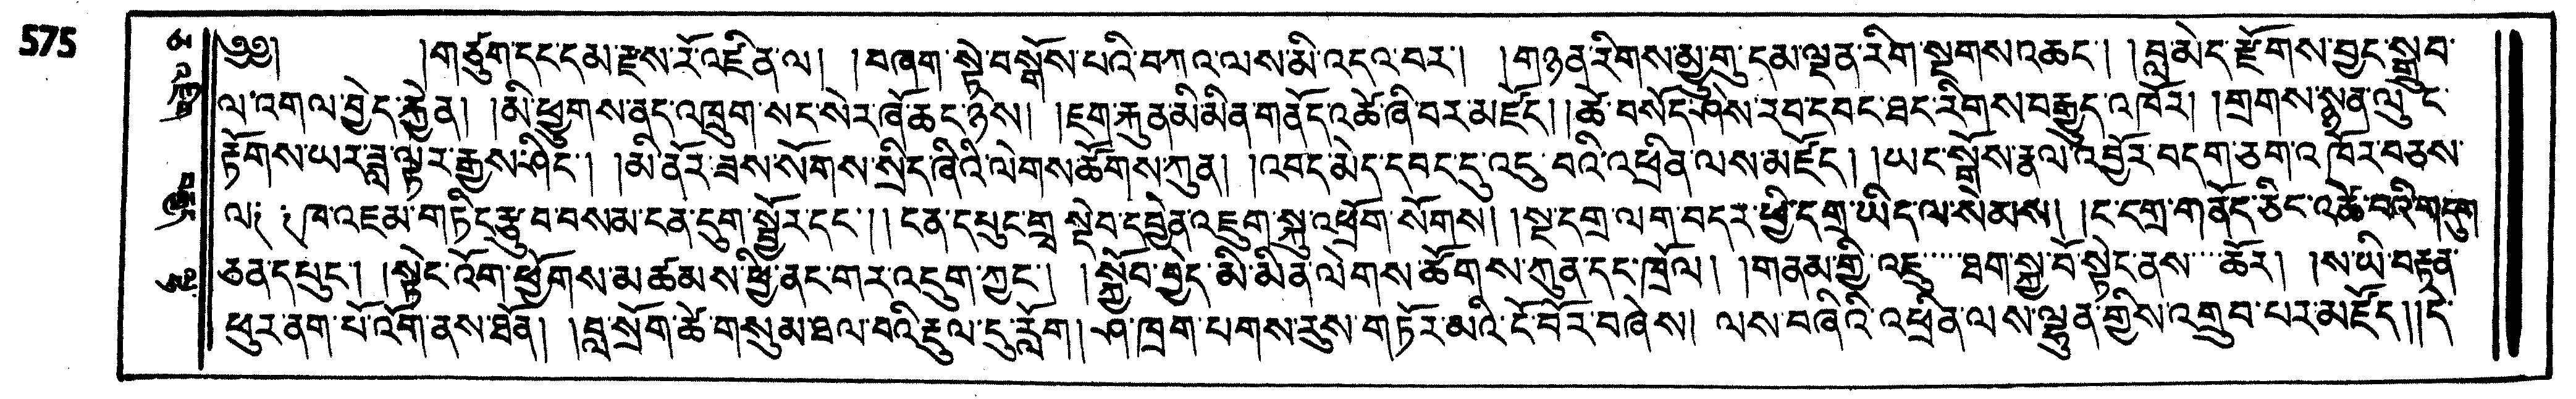༄༅། །གཙུག་དང་དམ་རྫས་རོ་འཛིན་ལ། །བཞག་སྟེ་བགོས་པའི་བཀའ་ལས་མི་འདའ་བར། །གཉན་རིགས་མྱུ་གུ་དམ་ལྡན་རིག་སྔགས་འཆང་། །བླ་མེད་རྫོགས་བྱང་སྒྲུབ་
ལ་འགལ་བྱེད་རྐྱེན། །མི་ཕྱུགས་ནད་འཁྲུག་སང་སེར་ཞོ་ཆང་ཉེས། །ཇག་རྐུན་མི་མིན་གནོད་འཚེ་ཞི་བར་མཛོད། །ཚེ་བསོད་ཤེས་རབ་དབང་ཐང་རིགས་བརྒྱུད་འཁོར། །གྲགས་སྙན་ལུ་ང་
རྟོགས་ཡར་ཟླ་ལྟར་རྒྱས་ཤིང་། །མི་ནོར་ཟས་སོགས་སྲིད་ཞིའི་ལེགས་ཚོགས་ཀུན། །འབད་མེད་དབང་དུ་འདུ་བའི་འཕྲིན་ལས་མཛོད། །ཡང་སྒོས་རྣལ་འབྱོར་བདག་ཅག་འཁོར་བཅས་
ལ༑ ༑ཁ་འཇམ་གཏིང་རྩུབ་བསམ་ངན་དུག་སྦྱོར་དང་། །ངན་དཔུང་གྲྭ་སྡེབ་དབྱེན་འཇུག་སྐུ་འཕྲོག་སོགས། །སྔ་དགྲ་ལག་བདར་ཕྱི་དགྲ་ཡིད་ལ་སེམས། །ང་དགྲ་གནོད་ཅིང་འཚེ་བའི་གདུག་
ཅན་དཔུང་། །སྟེང་འོག་ཕྱོགས་མཚམས་ཕྱི་ནང་གར་འདུག་ཀྱང་། །སྐྱོབ་བྱེད་མི་མིན་ལེགས་ཚོགས་ཀུན་དང་ཁྲོལ། །གནམ་གྱི་འཇུ་་་ཐག་སྐྱ་བོ་སྟེང་ནས་་་ཆོར། །ས་ཡི་བརྟན་
ཕུར་ནག་པོ་འོག་ནས་ཐོན། །བླ་སྲོག་ཚེ་གསུམ་ཐལ་བའི་རྡུལ་དུ་རློག །ཤ་ཁྲག་པགས་རུས་གཏོར་མའི་ངོ་བོར་བཞེས། ལས་བཞིའི་འཕྲིན་ལས་ལྷུན་གྱིས་འགྲུབ་པར་མཛོད། །དེ་